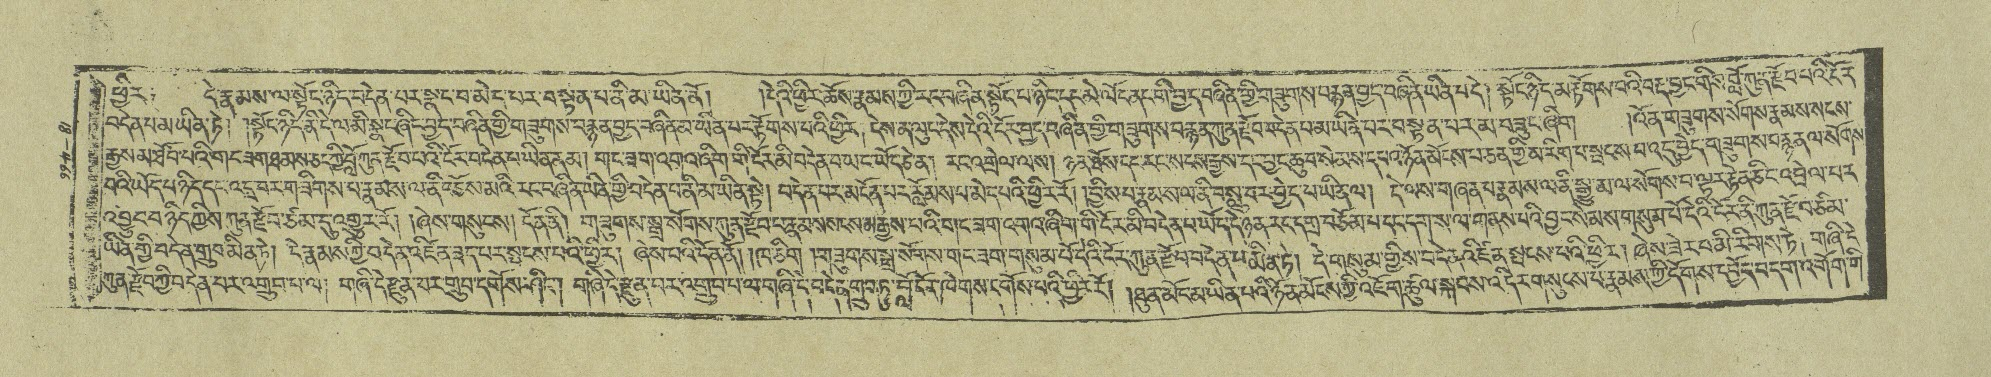ཕྱིར༑ དེ་རྣམས་ལ་སྟོང་ཉིད་བདེན་པར་སྣང་བ་མེད་པར་བསྟན་པ་ནི་མ་ཡིན་ནོ། །དེའི་ཕྱིར་ཆོས་རྣམས་ཀྱི་རང་བཞིན་སྟོང་བ་ཉིད་དང་མེ་ལོང་ནང་གི་བྱད་བཞིན་གྱི་གཟུགས་བརྙན་བྱད་བཞིན་ཡིན་པ་དེ། སྟོང་ཉིད་མ་རྟོགས་པའི་བརྡ་བྱང་གིས་བློ་ཀུན་རྫོབ་པའི་དོར་
བདེན་པ་མ་ཡིན་ཏེ། །སྟོང་ཉིད་ནི་དེ་ལ་མི་སྣང་ཞིང་བྱད་བཞིན་གྱི་གཟུགས་བརྙན་བྱད་བཞིན་མ་ཡིན་པར་རྟོགས་པའི་ཕྱིར། དེས་ན་ལུང་དེས་དེའི་ངོར་བྱད་བཞིན་གྱི་གཟུགས་བརྙན་ཀུན་རྫོབ་བདེན་པ་མ་ཡིན་པར་བསྟན་པར་མ་བཟུང་ཞིག །འོ་ན་གཟུགས་སོགས་རྣམས་སངས་
རྒྱས་མ་ཐོབ་པའི་གང་ཟག་ཐམས་ཅད་ཀྱི་བློ་ཀུན་རྫོབ་པའི་ངོར་བདེན་པ་ཡིན་ནམ། གང་ཟག་འགའ་ཞིག་གི་ངོར་མི་བདེན་པ་ཡང་ཡོད་ཅེ་ན། རང་འགྲེལ་ལས། ཉན་ཐོས་དང་རང་སངས་རྒྱས་དང་བྱང་ཆུབ་སེམས་དཔའ་ཉོན་མོངས་པ་ཅན་གྱི་མ་རིག་པ་སྤངས་པ་འདུ་བྱེད་གཟུགས་བརྙན་ལ་སོགས་
པའི་ཡོད་པ་ཉིད་དང་འདྲ་བར་གཟིགས་པ་རྣམས་ལ་ནི་བཅོས་མའི་རང་བཞིན་ཡིན་གྱི་བདེན་པ་ནི་མ་ཡིན་སྟེ། བདེན་པར་མངོན་པར་རློམས་པ་མེད་པའི་ཕྱིར་རོ། །བྱིས་པ་རྣམས་ལ་ནི་བསླུ་བར་བྱེད་པ་ཡིན་ལ། དེ་ལས་གཞན་པ་རྣམས་ལ་ནི་སྒྱུ་མ་ལ་སོགས་པ་ལྟར་རྟེན་ཅིང་འབྲེལ་བར་
འབྱུང་བ་ཉིད་ཀྱིས་ཀུན་རྫོབ་ཙམ་དུ་འགྱུར་རོ། །ཞེས་གསུངས། དོན་ནི། གཟུགས་སྒྲ་སོགས་ཀུན་རྫོབ་པ་རྣམས་སངས་མ་རྒྱས་པའི་གང་ཟག་འགའ་ཞིག་གི་ངོར་མི་བདེན་པ་ཡོད་དེ་ཉན་རང་དགྲ་བཅོམ་པ་དང་དག་ས་ལ་གནས་པའི་བྱང་སེམས་གསུམ་པོ་དེའི་ངོར་ནི་ཀུན་རྫོབ་ཙམ་
ཡིན་གྱི་བདེན་གྲུབ་མིན་ཏེ། དེ་རྣམས་ཀྱི་བདེན་འཛིན་ཟད་པར་སྤངས་པའི་ཕྱིར། ཞེས་པའི་དོན་ནི། །ཁ་ཅིག །གཟུགས་སྒྲ་སོགས་གང་ཟག་གསུམ་པོ་དེའི་ངོར་ཀུན་རྫོབ་བདེན་པ་མིན་ཏ། དེ་གསུམ་གྱིས་བདེན་འཛིན་སྤངས་པའི་ཕྱིར། ཞེས་ཟེར་བ་མི་རིགས་ཏེ། གཞི་དེ་
ཀུན་རྫོབ་ཀྱི་བདེན་པར་འགྲུབ་པ་ལ། གཞི་དེ་རྫུན་པར་གྲུབ་དགོས་ཤིང་། གཞི་དེ་རྫུན་པར་འགྲུབ་པ་ལ་གཞི་དེ་བདེན་གྲུབ་ཏུ་བློ་ངོར་ཁེགས་དགོས་པའི་ཕྱིར་རོ། །ཐུན་མོང་མ་ཡིན་པའི་ཉོན་མོངས་ཀྱི་འཇོག་ཚུལ་སྐབས་འདིར་གསུངས་པ་རྣམས་ཀྱི་དོགས་དཔྱོད་བདག་འགོག་གི་